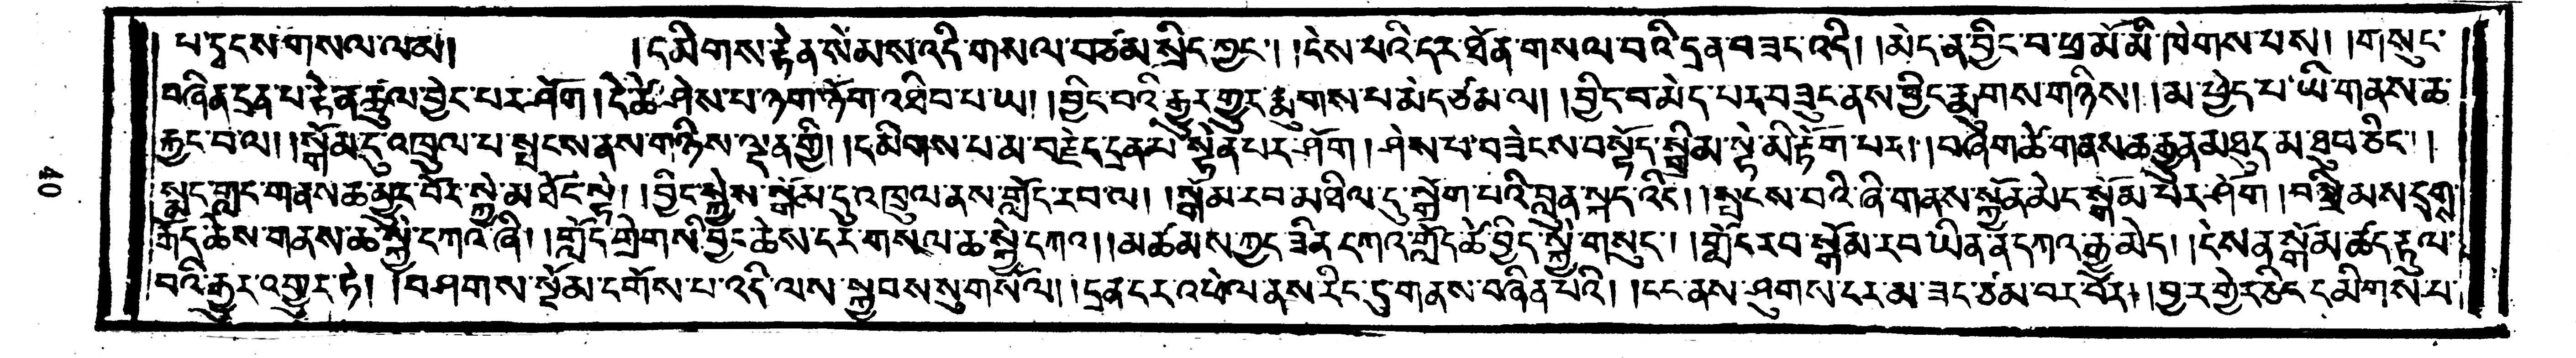པ་དྭངས་གསལ་ལམ། །དམིགས་རྟེན་སེམས་འདི་གསལ་བ་ཙམ་སྲིད་ཀྱང་། །དེས་པའི་དར་ཐོན་གསལ་བའི་དྲན་བཟང་འདི། །མེད་ན་བྱིང་བ་ཕྲ་མོ་མི་ཁེགས་པས། །གསུང་
བཞིན་དྲན་པ་རྟེན་ཚུལ་བྱེད་པར་ཤོག །དེ་ཚེ་ཤེས་པ་ཉག་ཉོག་འཐིབ་པ་ཡ། །བྱིང་བའི་རྒྱུར་གྱུར་རྨུགས་པ་མེད་ཙམ་ལ། །བྱིང་བ་མེད་པར་བཟུང་ནས་བྱིང་རྨུགས་གཉིས། །མ་ཕྱེད་པ་ཡི་གནས་ཆ་
རྐྱང་བ་ལ། །སྒོམ་དུ་འཁྲུལ་པ་སྤངས་ནས་གཉིས་ལྡན་གྱི། །དམིགས་པ་མ་བརྗེད་དྲན་པ་སྟེན་པར་ཤོག །ཤེས་པ་བཟེངས་བསྟོད་སྒྲིམ་སྟེ་མི་རྟོག་པར། །བཞག་ཚེ་གནས་ཆ་རྒྱུན་མཐུད་མ་ཐུབ་ཅིང་། །
སྨད་གླང་གནས་ཆ་མྱུར་བོར་སྐྱེ་མཐོང་སྟེ། །བྱིང་སྐྱེས་སྒོམ་དུ་འཁྲུལ་ནས་གློང་རབ་ལ། །སྒོམ་རབ་མཐིལ་དུ་སྒྲོག་པའི་བླུན་སྐད་འདི། །སྤངས་པའི་ཞི་གནས་སྐྱོན་མེད་སྒོམ་པར་ཤོག །བསྒྲིམས་དྲགས་
རྒོད་ཆེས་གནས་ཆ་སྐྱེ་དཀའ་ཞི། །གློད་གྲེགས་བྱིང་ཆེས་ངར་གསལ་ཆ་སྐྱེ་དཀའ། །མཚམས་ཀྱང་ཟིན་དཀའ་གློད་ཚེ་བྱིད་སྐྱེ་གསུང་། །གློང་རབ་སྒོམ་རབ་ཡིན་ན་དཀའ་རྒྱུ་མེད། །དེས་ན་སྒོམ་ཚད་རྟུལ་
བའི་རྒྱུར་འགྱུར་ཏེ། །བཤགས་སྡོམ་དགོས་པ་འདི་ལས་སྐྱབས་སུ་གསོལ། །དྲན་དར་འཕེལ་ནས་རིང་དུ་གནས་བཞིན་པའི། །ངང་ནས་ཤུགས་ངར་མ་ཟད་ཙམ་བར་བོར། །བྱ་ར་གྱེར་ཅིང་དམིགས་པ་